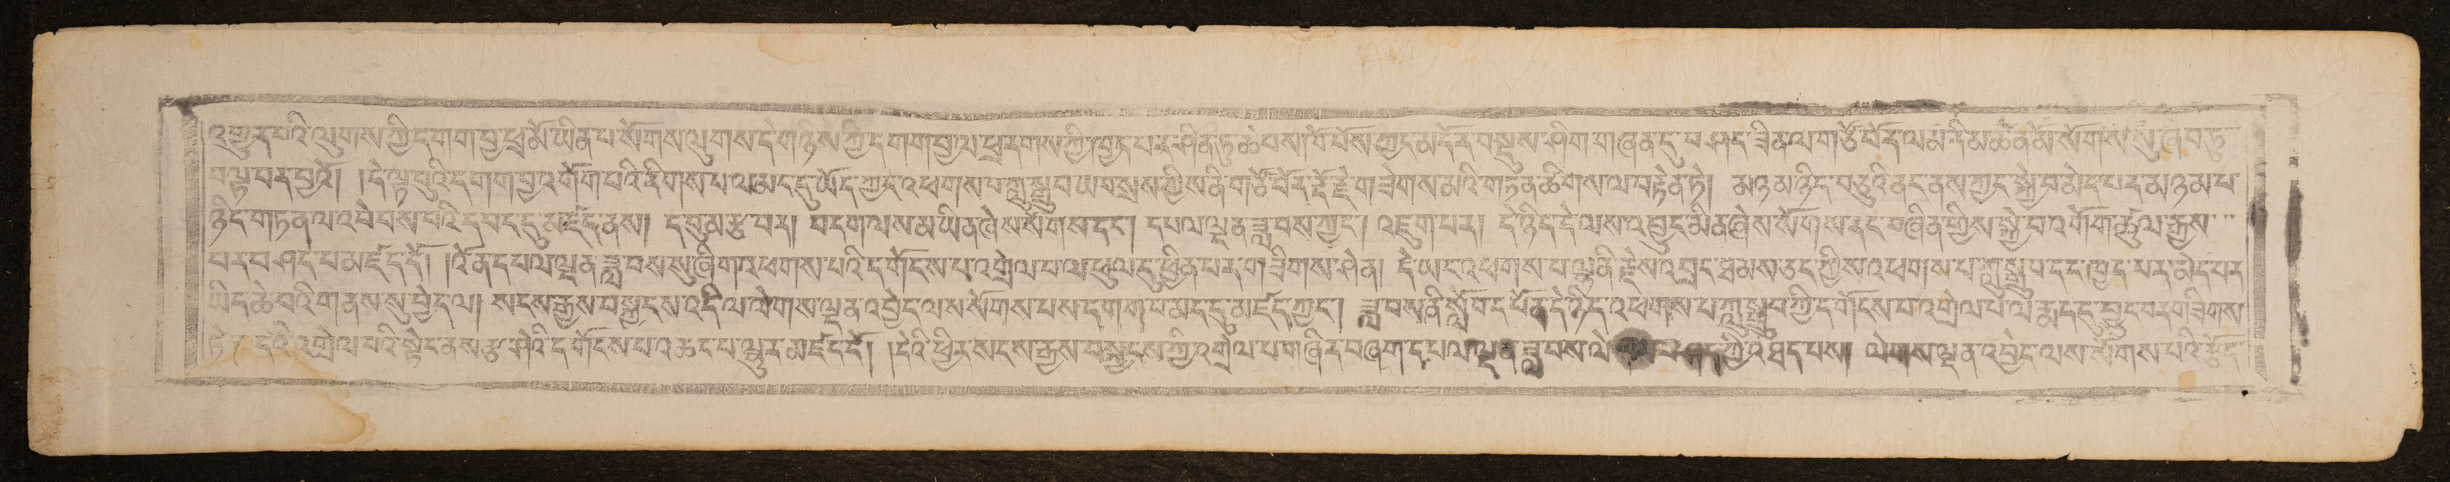འགྱུར་པའི་ལུགས་ཀྱི་དགག་བྱ་ཕྲ་མོ་ཡིན་པ་སོགས་ལུགས་དེ་གཉིས་ཀྱི་དགག་བྱ་ལ་ཕྲ་རགས་ཀྱི་ཁྱད་པར་ཤིན་ཏུ་ཆེ་བས་ཁོ་བོས་ཀྱང་མདོར་བསྡུས་ཤིག་གཞན་དུ་བཤད་ཟིན་ལ་གཙོ་བོར་ལམ་རིམ་ཆེན་མོ་སོགས་སུ་ཞིབ་ཏུ་
བལྟ་བར་བྱའོ། །དེ་ལྟ་བའི་འགག་བྱ་?་འགག་པའི་རིགས་པ་ལ་མང་དུ་ཡོད་ཀྱང་འཕགས་པ་ཀླུ་སྒྲུབ་ཡབ་སྲས་ཀྱིས་ནི་གཙོ་བོར་རྡོ་རྗེ་གཟེགས་མའི་གཏན་ཚིགས་ལ་བརྟེན་ཏེ། མཉམ་ཉིད་བཅུའི་ནང་ནས་ཀྱང་སྐྱེ་བ་མེད་པར་མཉམ་པ་
ཉིད་གཏན་ལ་འབབས་པའི་དབང་དུ་མཛད་ནས། དབུ་མ་རྩ་བར། བདག་ལས་མ་ཡིན་ཞེས་སོགས་དང་། དཔལ་ལྡན་ཟླ་བས་ཀྱང་། འཇུག་པར། དེ་ཉིད་དེ་ལས་འབྱུང་མིན་ཞེས་སོགས་རང་བཞིན་གྱིས་སྐྱེ་བ་འགོག་ཚུལ་རྒྱས་
པར་བཤད་པ་མཛད་དོ། །འོ་ན་དཔལ་ལྡན་ཟླ་བས་སུ་ཞིག་འཕགས་པའི་དགོངས་པ་འགྲེལ་བ་ལ་ཕུལ་དུ་ཕྱིན་པར་གཟིགས་ཤེ་ན། དེ་ཡང་འཕགས་པ་ལྷ་ནི་རྗེས་འབྲང་ཐམས་ཅད་ཀྱིས་འཕགས་པ་ཀླུ་སྒྲུབ་དང་ཁྱད་པར་མེད་པར་
ཡིད་ཆེ་བའི་གནས་སུ་བྱེད་ལ། སངས་རྒྱས་བསྐྱངས་འདི་ལ་ལེགས་ལྡན་འབྱེད་ལས་སོགས་པས་དགག་པ་མང་དུ་མཛད་ཀྱང་། ཟླ་བས་ནི་སློབ་དཔོན་དེ་ཉིད་འཕགས་པ་ཀླུ་སྒྲུབ་ཀྱི་དགོངས་པ་འགྲེལ་པ་ལ་རྨད་དུ་བྱུང་བར་གཟིགས་
ཏེ། དེའི་འགྲེལ་པའི་སྟེང་ནས་རྩ་ཤེའི་དགོངས་པ་འཆད་པ་ལྷུར་མཛད་དོ། །དེའི་ཕྱིར་སངས་རྒྱས་བསྐྱངས་ཀྱི་འགྲེལ་བ་གཞིར་བཞག་དཔལ་ལྡན་ཟླ་བས་ལེགས་བཤད་ཀྱི་འཐད་པས། ལེགས་ལྡན་འབྱེད་ལས་སོགས་པའི་རྩོད་